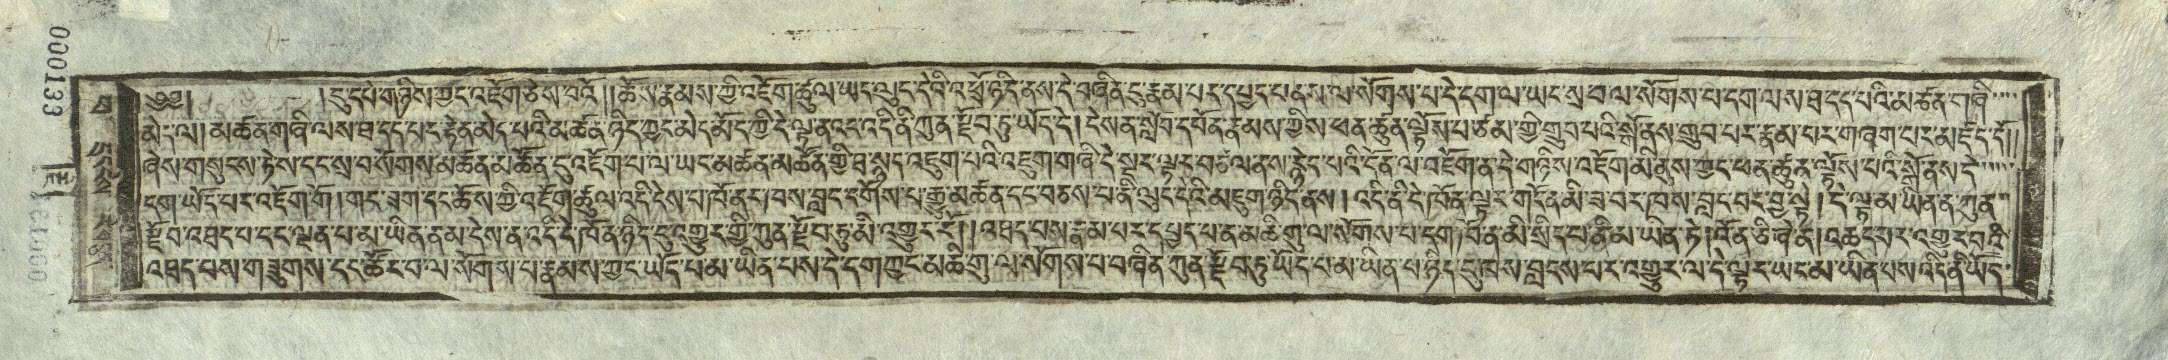༄༅། །དུ་དཔེ་གཉིས་ཀྱང་འཇོག་ཅེས་པའོ། །ཆོས་རྣམས་ཀྱི་འཇོག་ཚུལ་ཡང་ལུང་དེའི་འཕྲོ་ཉིད་ནས་དེ་བཞིན་དུ་རྣམ་པར་དཔྱད་པ་ནས་ལ་སོགས་པ་དེ་དག་ལ་ཡང་སྲ་བ་ལ་སོགས་པ་དག་ལས་ཐ་དད་པའི་མཚན་གཞི་
མེད་ལ། མཚན་གཞི་ལས་ཐ་དད་པར་རྟེན་མེད་པའི་མཚན་ཉིད་ཀྱང་མེད་མོད་ཀྱི་དེ་ལྟ་ནའང་འདི་ནི་ཀུན་རྫོབ་ཏུ་ཡོད་དེ། དེས་ན་སློབ་དཔོན་རྣམས་ཀྱིས་ཕན་ཚུན་ལྟོས་པ་ཙམ་གྱི་གྲུབ་པའི་སྒོ་ནས་གྲུབ་པར་རྣམ་པར་གཞག་པར་མཛད་དོ། །
ཞེས་གསུངས་ཏེ་ས་དང་སྲ་བ་སོགས་མཚན་མཚོན་དུ་འཇོག་པ་ལ་ཡང་མཚན་མཚོན་གྱི་ཐ་སྙད་འཇུག་པའི་འཇུག་གཞི་དེ་སྔར་ལྟར་བཙལ་ནས་རྙེད་པའི་དོན་ལ་འཇོག་ན་དེ་གཉིས་འཇོག་མི་ནུས་ཀྱང་ཕན་ཚུན་ལྟོས་པའི་སྒོ་ནས་དེ་
དག་ཡོད་པར་འཇོག་གོ ། གང་ཟག་དང་ཆོས་ཀྱི་འཇོག་ཚུལ་འདི་ངེས་པ་ཁོ་ནར་ཁས་བླང་དགོས་པ་རྒྱུ་མཚན་དང་བཅས་པ་ནི་ལུང་དེའི་མཇུག་ཉིད་ནས། འདི་ནི་དེ་ཁོ་ན་ལྟར་གདོན་མི་ཟ་བར་ཁས་བླང་བར་བྱ་སྟེ། དེ་ལྟ་མ་ཡིན་ན་ཀུན་
རྫོབ་འཐད་པ་དང་ལྡན་པ་མ་ཡིན་ནམ་དེས་ན་འདི་དེ་ཁོ་ན་ཉིད་དུ་འགྱུར་གྱི་ཀུན་རྫོབ་ཏུ་མི་འགྱུར་རོ། །འཐད་པས་རྣམ་པར་དཔྱད་པ་ན་མཆི་གུ་ལ་སོགས་པ་དག་ཁོ་ན་མི་སྲིད་པ་ནི་མ་ཡིན་ཏེ། འོ་ན་ཅི་ཞེ་ན། འཆད་པར་འགྱུར་བའི་
འཐད་པས་གཟུགས་དང་ཚོར་བ་ལ་སོགས་པ་རྣམས་ཀྱང་ཡོད་པ་མ་ཡིན་པས་དེ་དག་ཀྱང་མཆི་གུ་ལ་སོགས་པ་བཞིན་ཀུན་རྫོབ་ཏུ་ཡོད་པ་མ་ཡིན་པ་ཉིད་དུ་ཁས་བླངས་པར་འགྱུར་ལ་དེ་ལྟར་ཡང་མ་ཡིན་པས་འདི་ནི་ཡོད་